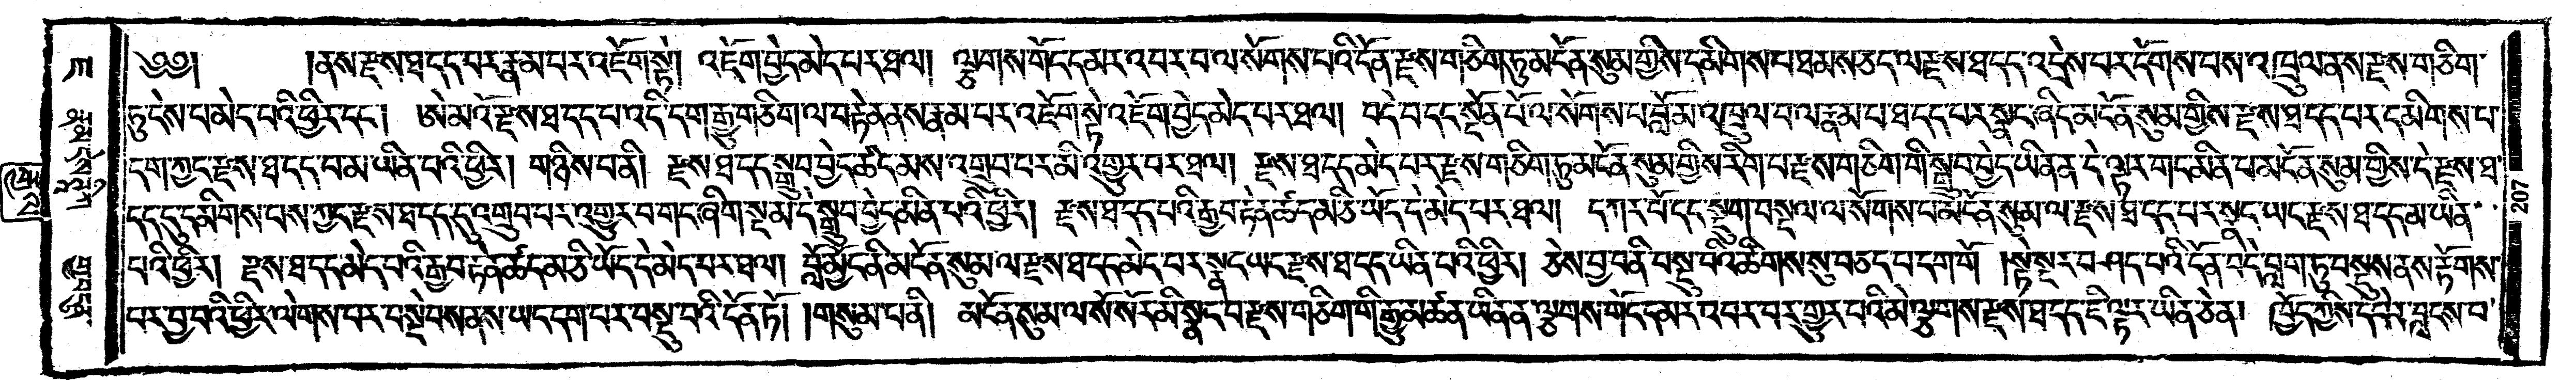༄༅། །ནས་རྫས་ཐ་དད་པར་རྣམ་པར་འཇོག་སྟེ། འཇོག་བྱེད་མེད་པར་ཐལ། ལྕགས་གོང་དམར་འབར་བ་ལ་སོགས་པའི་དོན་རྫས་གཅིག་ཏུ་མངོན་སུམ་གྱིས་དམིགས་པ་ཐམས་ཅད་ལ་རྫས་ཐ་དད་འདྲེས་པར་དོགས་པས་འཁྲུལ་ནས་རྫས་གཅིག་
ཏུ་ངེས་པ་མེད་པའི་ཕྱིར་དང་། ཨེ་མའོ་རྫས་ཐ་དད་པ་འདི་དག་རྒྱུ་གཅིག་ལ་བརྟེན་ནས་རྣམ་པར་འཇོག་སྟེ་འཇོག་བྱེད་མེད་པར་ཐལ། བདེ་བ་དང་སྔོན་པོ་ལ་སོགས་པ་བློ་མ་འཁྲུལ་བ་ལ་རྣམ་པ་ཐ་དད་པར་སྣང་ཞིང་མངོན་སུམ་གྱིས་རྫས་ཐ་དད་པར་དམིགས་པ་
དག་ཀྱང་རྫས་ཐ་དད་པ་མ་ཡིན་པའི་ཕྱིར། གཉིས་པ་ནི། རྫས་ཐ་དད་སྒྲུབ་བྱེད་ཚད་མས་འགྲུབ་པར་མི་འགྱུར་བར་ཐལ། རྫས་ཐ་དད་མེད་པར་རྫས་གཅིག་ཏུ་མངོན་སུམ་གྱིས་རིག་པ་རྫས་གཅིག་གི་སྒྲུབ་བྱེད་ཡིན་ན་དེ་ལྟར་གང་མིན་པ་མངོན་སུམ་གྱིས་དེ་རྫས་ཐ་
དད་དུ་དམིགས་པས་ཀྱང་རྫས་ཐ་དད་དུ་འགྲུབ་པར་འགྱུར་བ་གང་ཞིག་སྔ་མ་དེ་སྒྲུབ་བྱེད་མིན་པའི་ཕྱིར། རྫས་ཐ་དད་པའི་རྒྱབ་རྟེན་ཚད་མ་ཅི་ཡོད་དེ་མེད་པར་ཐལ། དཀར་པོ་དང་སྡུག་བསྔལ་ལ་སོགས་པ་མངོན་སུམ་ལ་རྫས་ཐ་དད་པར་སྣང་ཡང་རྫས་ཐ་དད་མ་ཡིན་
པའི་ཕྱིར། རྫས་ཐ་དད་མེད་པའི་རྒྱབ་རྟེན་ཚད་མ་ཅི་ཡོད་དེ་མེད་པར་ཐལ། བློ་མྱོང་ནི་མངོན་སུམ་ལ་རྫས་ཐ་དད་མེད་པར་སྣང་ཡང་རྫས་ཐ་དད་ཡིན་པའི་ཕྱིར། ཅེས་བྱ་བ་ནི་བསྡུ་བའི་ཚིགས་སུ་བཅད་པ་དག་གོ །སྟེ་སྔར་བཤད་པའི་དོན་བདེ་བླག་ཏུ་བསྡུས་ནས་རྟོགས་
པར་བྱ་བའི་ཕྱིར་ལེགས་པར་བསྡེབས་ནས་ཡང་དག་པར་བསྡུ་བའི་དོན་ཏོ། །གསུམ་པ་ནི། མངོན་སུམ་ལ་སོ་སོར་མི་སྣང་བ་རྫས་གཅིག་གི་རྒྱུ་མཚན་ཡིན་ན་ལྕགས་གོང་དམར་འབར་བར་གྱུར་པའི་མེ་ལྕགས་རྫས་ཐ་དད་ཇི་ལྟར་ཡིན་ཅེ་ན། ཁྱོད་ཀྱིས་དཔེར་བླངས་པ་